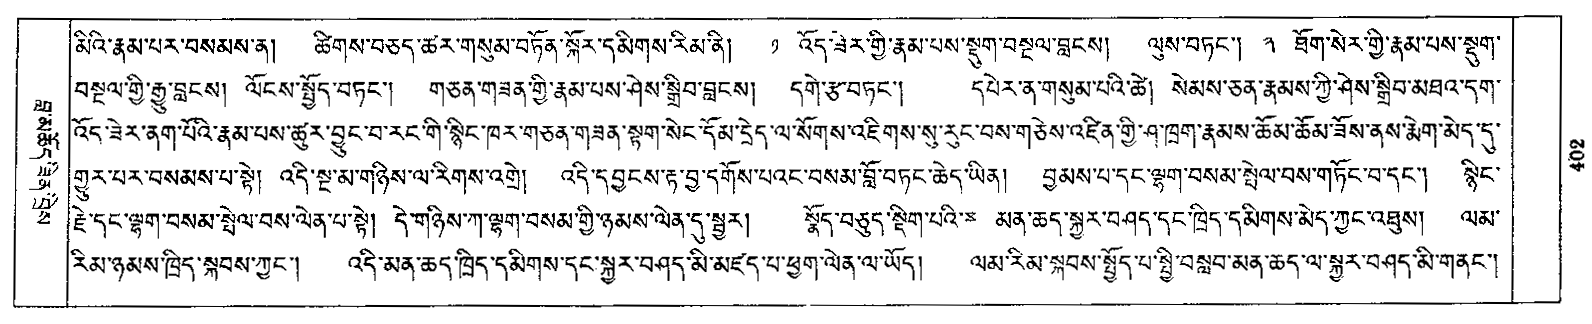མིའི་རྣམ་པར་བསམས་ན། ཚིགས་བཅད་ཚར་གསུམ་བཏོན་སྐོར་དམིགས་རིམ་ནི། ༡་འོད་ཟེར་གྱི་རྣམ་པས་སྡུག་བསྔལ་བླངས། ལུས་བཏང་། ༢་ཐོག་སེར་གྱི་རྣམ་པས་སྡུག་
བསྔལ་གྱི་རྒྱུ་བླངས། ལོངས་སྤྱོད་བཏང་། གཅན་གཟན་གྱི་རྣམ་པས་ཤེས་སྒྲིབ་བླངས། དགེ་རྩ་བཏང་། དཔེར་ན་གསུམ་པའི་ཚེ། སེམས་ཅན་རྣམས་ཀྱི་ཤེས་སྒྲིབ་མཐའ་དག་
འོད་ཟེར་ནག་པོའི་རྣམ་པས་ཚུར་བྱུང་བ་རང་གི་སྙིང་ཁར་གཅན་གཟན་སྟག་སེང་དོམ་དྲེད་ལ་སོགས་འཇིགས་སུ་རུང་བས་གཅེས་འཛིན་གྱི་ཤ་ཁྲག་རྣམས་ཆོམ་ཆོམ་ཟོས་ནས་རྨེག་མེད་དུ་
གྱུར་པར་བསམས་པ་སྟེ། འདི་སྔ་མ་གཉིས་ལ་རིགས་འགྲེ། འདི་དབྱངས་རྟ་བྱ་དགོས་པའང་བསམ་བློ་བཏང་ཆེད་ཡིན། བྱམས་པ་དང་ལྷག་བསམ་སྤེལ་བས་གཏོང་བ་དང་། སྙིང་
རྗེ་དང་ལྷག་བསམ་སྤེལ་བས་ལེན་པ་སྟེ། དེ་གཉིས་ཀ་ལྷག་བསམ་གྱི་ཉམས་ལེན་དུ་སྦྱར། སྣོད་བཅུད་སྡིག་པའི་྾་མན་ཆད་སྐྱར་བཤད་དང་ཁྲིད་དམིགས་མེད་ཀྱང་འཐུས། ལམ་
རིམ་ཉམས་ཁྲིད་སྐབས་ཀྱང་། འདི་མན་ཆད་ཁྲིད་དམིགས་དང་སྐྱར་བཤད་མི་མཛད་པ་ཕྱག་ལེན་ལ་ཡོད། ལམ་རིམ་སྐབས་སྤྱོད་པ་སྤྱི་བསླབ་མན་ཆད་ལ་སྐྱར་བཤད་མི་གནང་།